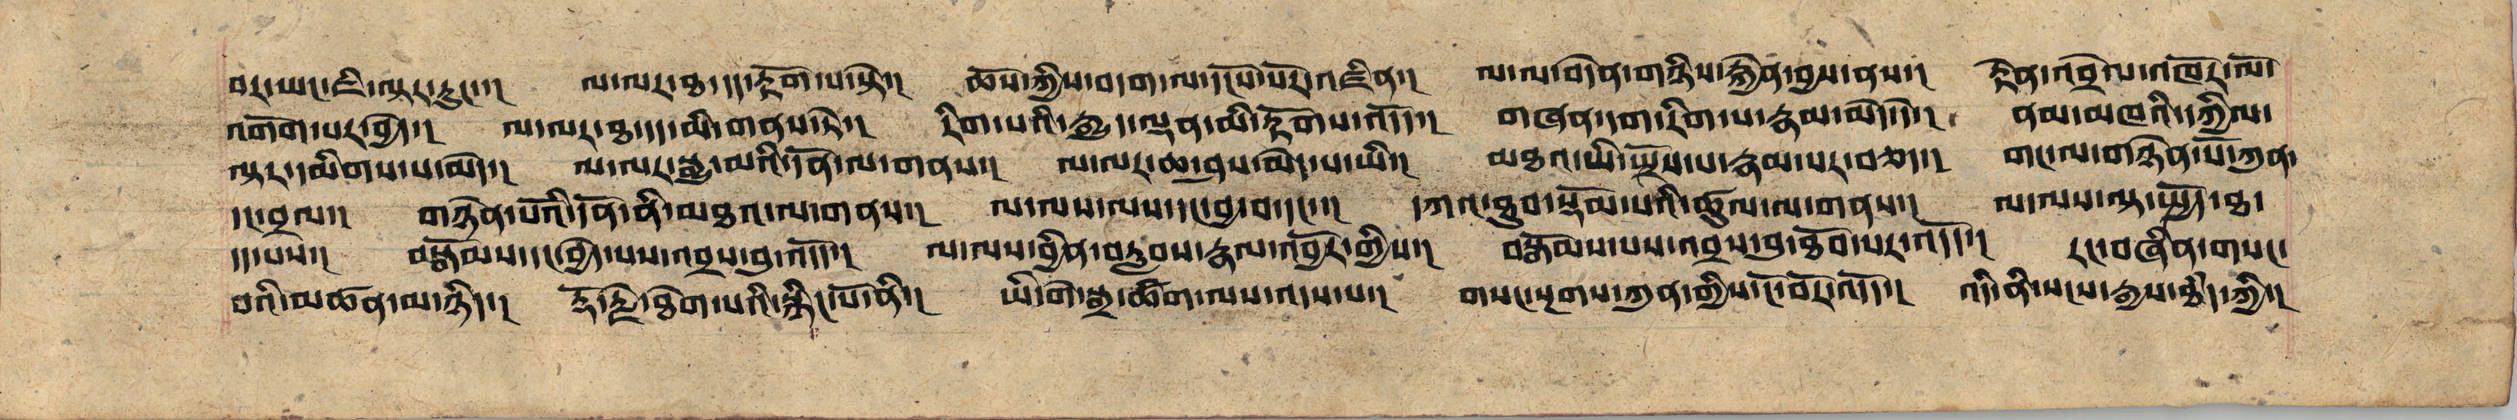བར་ཡང་ཇི་ལྟར་རུང་་། ལ་ལར་ཐ་དད་རྟོག་པ་སྟེ་། ཆོས་ཀྱིས་བདག་ལ་དངོས་པོར་འཛིན་། ལ་ལ་བདེན་གཉིས་རྐྱེན་བྱས་ནས་། རྟེན་འབྲེལ་འཁོར་ལོ་
འགོག་པར་བྱེད་། ལ་ལར་ཐ་དད་མི་གནས་ཏེ་། རིག་པའི་རྒྱུད་ལྡན་མི་རྟོགས་འདོད་། གཞན་དག་རིག་པ་རྣམ་མེད་དེ་། ནམ་མཁའི་དཀྱིལ་
ལྟར་དམིགས་པ་མེད་།། ལ་ལར་སྒྱུ་མའི་དོན་ལ་གནས་། ལ་ལར་ཆ་ཤས་མེད་པ་ཡི་། མཐའ་ཡི་སྤྲོས་པ་རྣམ་པར་བཅད་། གང་ལ་གཉེན་པོ་ཀུན་
དང་བྲལ་། གཉེན་པོའི་དོན་ནི་མཐའ་ལ་གནས་། ལ་ལས་ལས་དང་བྱ་བ་དང་་། དཀའ་ཐུབ་སྡོམ་པའི་ཚུལ་ལ་གནས་། ལ་ལས་ལྟ་སྤྱོད་ཐ་
དད་པས་། བསྒོམས་དང་བྱེད་པས་འབྲས་བུ་འདོད་། ལ་ལས་བྱིན་བརླབས་རྣལ་འབྱོར་གྱིས་། བསྒོམས་པས་འབྲས་བུ་ཐོབ་པར་འདོད་། རང་བཞིན་གསང་
བའི་མཚན་མ་ཉིད་། རྡོ་རྗེ་ཐེག་པའི་སྙིང་པོ་ནི་། ཡི་གེ་སྒྲ་ཚིག་ལས་འདས་པ་། གསང་སྔགས་ཀུན་གྱིས་ངོ་བོར་འདོད་། འདི་ནི་སངས་རྒྱས་ཐཾད་ཀྱི་།